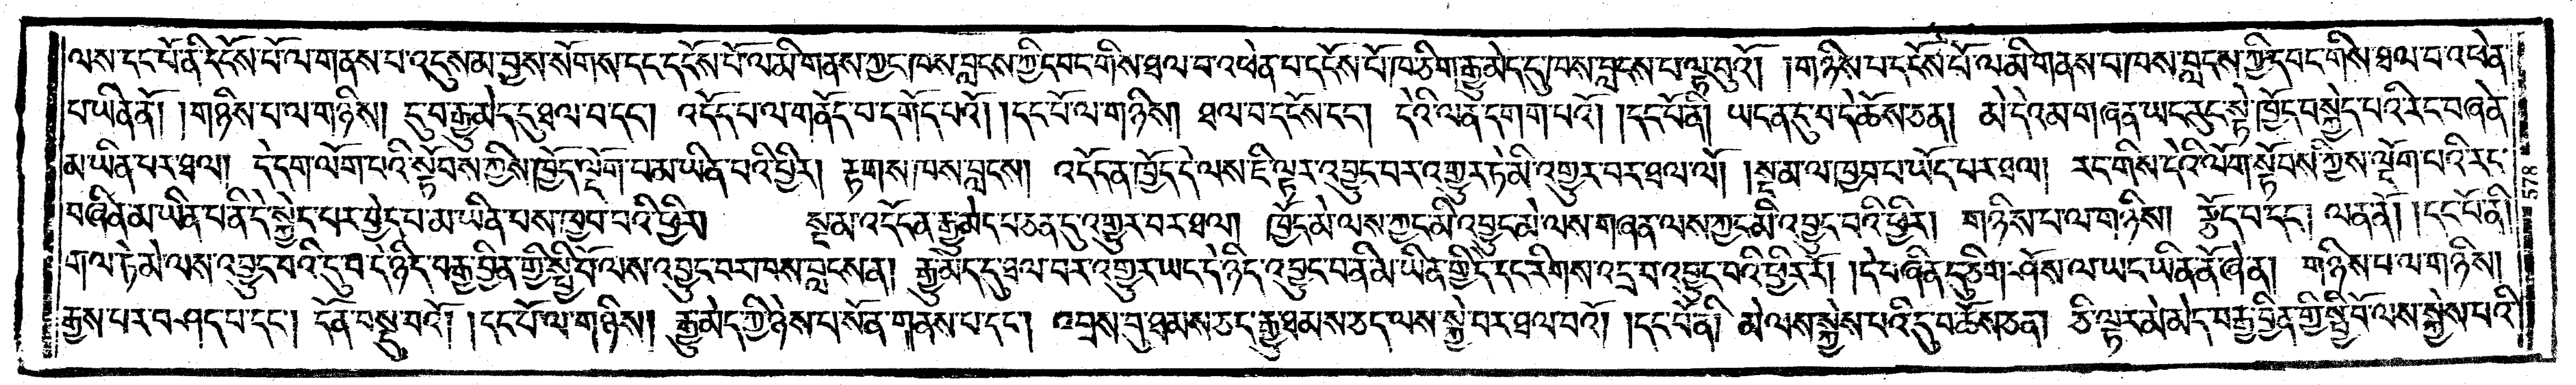ལས་དང་པོ་ནི་དངོས་པོ་ལ་གནས་པ་འདུས་མ་བྱས་སོགས་དང་དངོས་པོ་ལ་མི་གནས་ཀྱང་ཁས་བླངས་ཀྱི་དབང་གིས་ཐལ་བ་འཕེན་པ་དངོས་པོ་ཁ་ཅིག་རྒྱུ་མེད་དུ་ཁས་བླངས་པ་ལྟ་བུའོ། །གཉིས་པ་དངོས་པོ་ལ་མི་གནས་པ་ཁས་བླངས་ཀྱི་དབང་གིས་ཐལ་བ་འཕེན་
པ་ཡིན་ནོ། །གཉིས་པ་ལ་གཉིས། དུ་བ་རྒྱུ་མེད་དུ་ཐལ་བ་དང་། འདོད་པ་ལ་གནོད་པ་དགོད་པའོ། །དང་པོ་ལ་གཉིས། ཐལ་བ་དངོས་དང་། དེའི་ལན་དགག་པའོ། །དང་པོ་ནི། ཡང་ན་དུ་བ་དེ་ཆོས་ཅན། མེ་དེའམ་གཞན་ཡང་རུང་སྟེ་ཁྱོད་བསྐྱེད་པའི་རང་བཞེན་
མ་ཡིན་པར་ཐལ། དེ་དག་ལོག་པའི་སྟོབས་ཀྱིས་ཁྱོད་ལྡོག་པ་མ་ཡིན་པའི་ཕྱིར། རྟགས་ཁས་བླངས། འདོད་ན་ཁྱོད་དེ་ལས་ཇི་ལྟར་འབྱུང་བར་འགྱུར་ཏེ་མི་འགྱུར་བར་ཐལ་ལོ། །སྔ་མ་ལ་ཁྱབ་པ་ཡོད་པར་ཐལ། རང་གིས་དེའི་ལོག་སྟོབས་ཀྱིས་ལྡོག་པའི་རང་
བཞིན་མ་ཡིན་པ་ནི་དེ་སྐྱེད་པར་བྱེད་པ་མ་ཡིན་པས་ཁྱབ་པའི་ཕྱིར། སྔ་མ་འདོད་ན་རྒྱུ་མེད་པ་ཅན་དུ་འགྱུར་བར་ཐལ། ཁྱོད་མེ་ལས་ཀྱང་མི་འབྱུང་མེ་ལས་གཞན་ལས་ཀྱང་མི་འབྱུང་བའི་ཕྱིར། གཉིས་པ་ལ་གཉིས། རྩོད་པ་དང་། ལན་ནོ། །དང་པོ་ནི།
གལ་ཏེ་མེ་ལས་འབྱུང་བའི་དུ་བ་དེ་ཉིད་བརྒྱ་བྱིན་གྱི་སྤྱི་བོ་ལས་འབྱུང་བར་ཁས་བླངས་ན། རྒྱུ་མེད་དུ་ཐལ་བར་འགྱུར་ཡང་དེ་ཉིད་འབྱུང་བ་ནི་མ་ཡིན་གྱི་དེ་རང་རིགས་འདྲ་བ་འབྱུང་བའི་ཕྱིར་རོ། །དེ་བཞིན་དུ་ཅིག་ཤོས་ལ་ཡང་ཡིན་ནོ་ཞེ་ན། གཉིས་པ་ལ་གཉིས།
རྒྱས་པར་བཤད་པ་དང་། དོན་བསྡུ་བའོ། །དང་པོ་ལ་གཉིས། རྒྱུ་མེད་ཀྱི་ཉེས་པ་སོན་གནས་པ་དང་། འབྲས་བུ་ཐམས་ཅད་རྒྱུ་ཐམས་ཅད་ལས་སྐྱེ་བར་ཐལ་བའོ། །དང་པོ་ནི། མེ་ལས་སྐྱེས་པའི་དུ་བ་ཆོས་ཅན། ཅི་ལྟར་མེ་མེད་བརྒྱ་བྱིན་གྱི་སྤྱི་བོ་ལས་སྐྱེས་པའི་